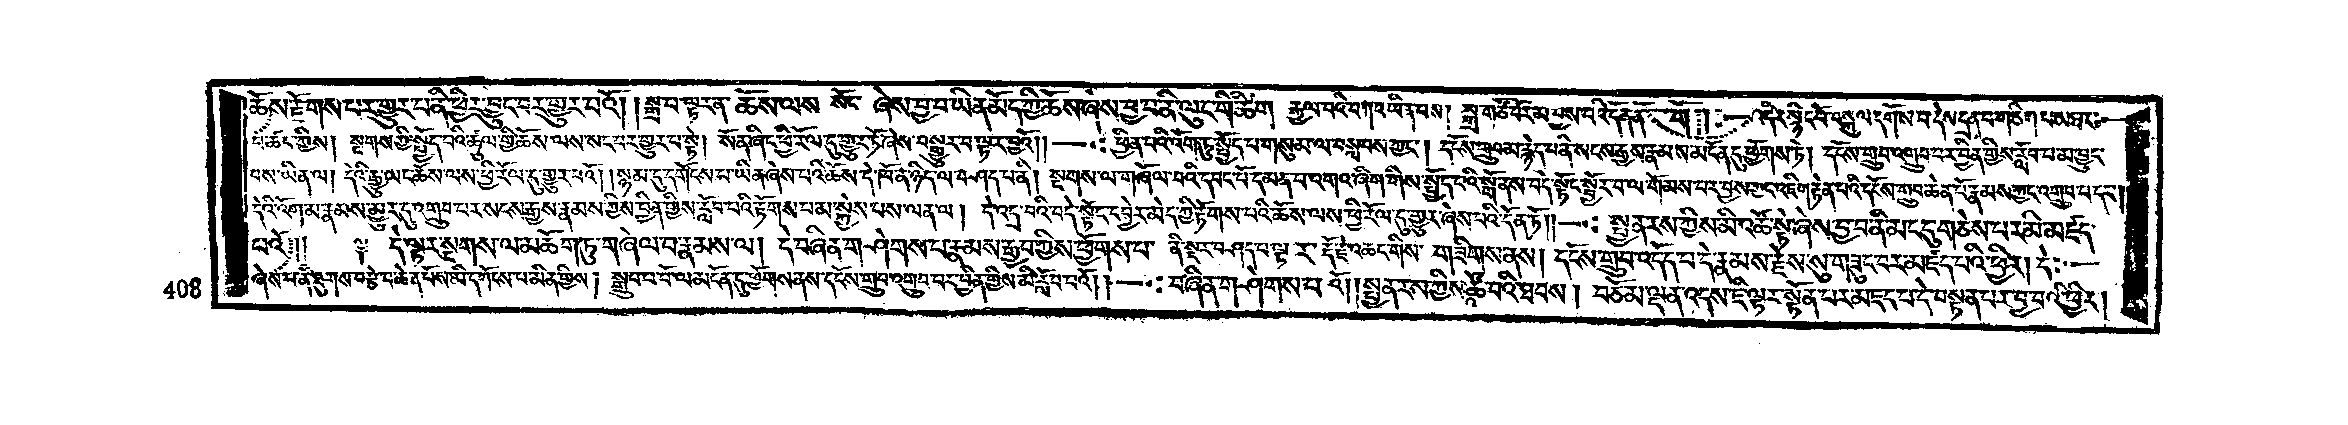ཆོས་རྫོགས་པར་གྱུར་པ་ནི་ཕྱིར་བྱུང་བར་གྱུར་པའོ། །སྒྲ་བ་ལྟར་ན་ཆོས་ལས་སོང་ཞེས་བྱ་བ་ཡིན་མོད་ཀྱི་ཆོས་ཞེས་བྱ་བ་ནི་ལུང་གི་ཚིག་རྒྱལ་བའི་བཀའ་ཡིན་པས། སྒྲ་གཙོ་བོར་མ་བྱས་པའི་དོན་ནོ་གོ ། ། H.་འདིར་སྙིང་པོ་བསྐུལ་དགོས་པ་དེ་དྲན་པ་གཅིག་པ་མཐར་H.
བ་ཚབ་?་ཀྱིས། སྔགས་ཀྱི་སྤྱོད་པའི་ཚུལ་གྱི་ཆོས་ལས་སང་བར་གྱུར་པ་སྟེ། སོན་ཞིང་ཕྱི་རོལ་དུ་གྱུར་ཏོ་ཞེས་བསྒྱུར་བ་ལྟར་བྱའོ།། .H ཕྱིན་པའི་འོག་ཏུ་སྤྱོད་པ་གསུམ་ལ་བསླབས་ཀྱང་། དངོས་གྲུབ་མ་རྙེད་པ་ནི་སངས་རྒྱས་རྣམས་མངོན་དུ་ཕྱོགས་ཏེ། དངོས་གྲུབ་འགྲུབ་པར་བྱིན་གྱིས་རློབ་པ་མ་བྱུང་
བས་ཡིན་ལ། དེའི་རྒྱུ་ཡང་ཆོས་ལས་ཕྱི་རོལ་དུ་གྱུར་པའོ། །སྙམ་དུ་དགོངས་པ་ཡིན་ཞེས་པའི་ཆོས་དེ་ཁོ་ན་ཉིད་ལ་བཤད་པ་ནི། སྔགས་ལ་གཞོལ་བའི་དབང་པོ་དམན་པ་འགའ་ཞིག་གིས་སྤྱོད་པའི་སྒོ་ནས་བདེ་སྟོང་སྦྱོར་བ་ལ་གོམས་པར་བྱས་ཀྱང་འཇིག་རྟེན་པའི་དངོས་གྲུབ་ཆེན་པོ་རྣམས་ཀྱང་འགྲུབ་པ་དང་།
དེའི་འོག་མ་རྣམས་མྱུར་དུ་འགྲུབ་པར་སངས་རྒྱས་རྣམས་ཀྱིས་བྱིན་གྱིས་རློབ་པའི་རྟོགས་པ་མ་སྐྱེས་པས་ལན་ལ། དེ་འདྲ་བའི་བདེ་སྟོང་དབྱེར་མེད་ཀྱི་རྟོགས་པའི་ཆོས་ལས་ཕྱི་རོལ་དུ་གྱུར་ཞེས་པའི་དོན་ཏོ།། .H སྤྱན་རས་ཀྱིས་མི་འཚོ་སྟེ་ཞེས་བྱ་བ་ནི་མང་དུ་གཅེས་པར་མི་མཛད་
པའོ།། ༈ དེ་ལྟར་སྔགས་ལ་མཆོག་ཏུ་གཞོལ་བ་རྣམས་ལ། དེ་བཞིན་གཤེགས་པ་རྣམས་རྒྱབ་ཀྱིས་ཕྱོགས་པ་ནི་སྔར་བཤད་པ་ལྟར་རྡོ་རྗེ་འཆང་གིས་གཟིགས་ནས། དངོས་གྲུབ་འདོད་པ་དེ་རྣམས་རྗེས་སུ་གཟུང་བར་མཛད་པའི་ཕྱིར། དེ་H.
ཞེས་པ་ནི་ཐུགས་བརྩེ་བ་ཆེན་པོས་མི་དགོངས་པ་མིན་གྱིས། སྒྲུབ་པ་པོ་ལ་མངོན་དུ་ཕྱོགས་ནས་དངོས་གྲུབ་འགྲུབ་པར་བྱིན་གྱིས་མི་རློབ་པའོ།། .H བཞིན་གཤེགས་པའོ། །སྤྱན་རས་ཀྱིས་འཚོ་བའི་ཐབས། བཅོམ་ལྡན་འདས་ཇི་ལྟར་སྟོན་པར་མཛད་པ་དེ་བསྟན་པར་བྱ་བའི་ཕྱིར།